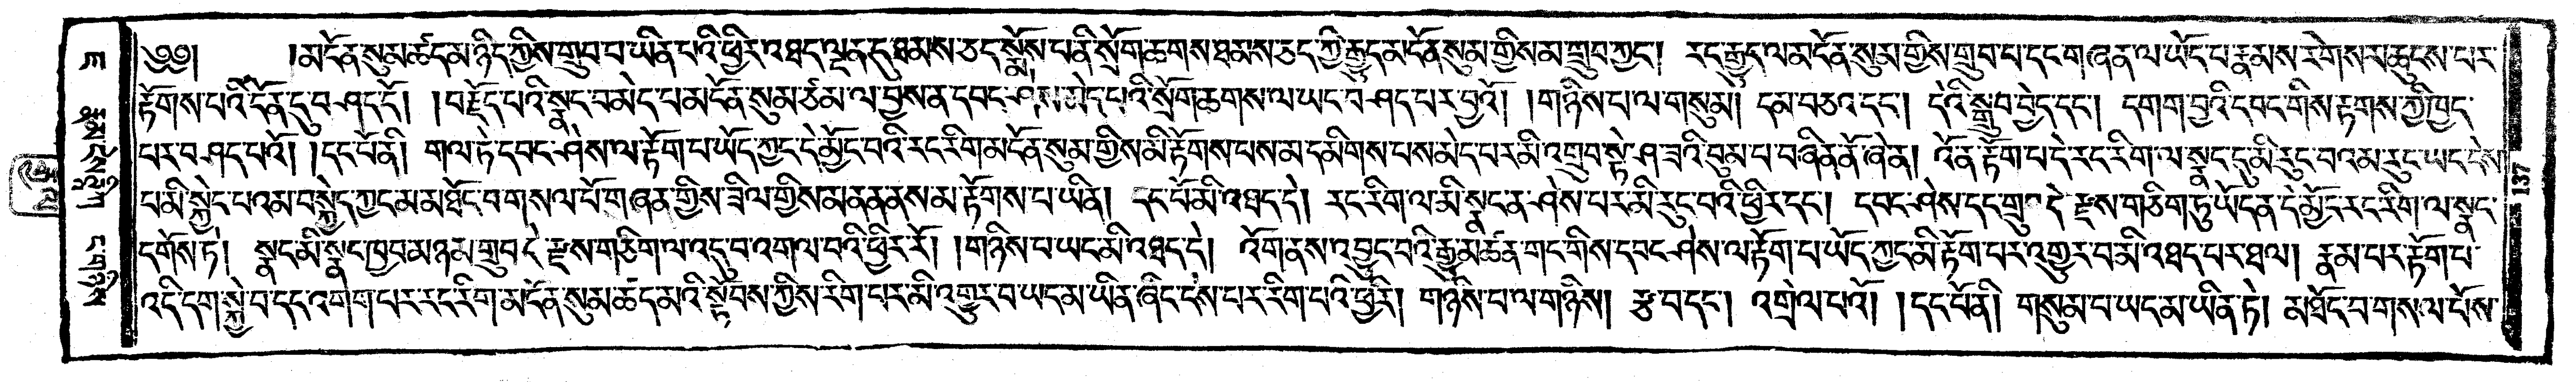༄༅། །མངོན་སུམ་ཚད་མ་ཉིད་ཀྱིས་གྲུབ་པ་ཡིན་པའི་ཕྱིར་འཐད་ལྡན་དུ་ཐམས་ཅད་སྨོས་པ་ནི་སྲོག་ཆགས་ཐམས་ཅད་ཀྱི་རྒྱུད་མངོན་སུམ་གྱིས་མ་གྲུབ་ཀྱང་། རང་རྒྱུད་ལ་མངོན་སུམ་གྱིས་གྲུབ་པ་དང་གཞན་ལ་ཡོད་པ་རྣམས་རེགས་མཚུངས་པར་
རྟོགས་པའི་དོན་དུ་བཤད་དོ། །བརྗོད་པའི་སྣང་བ་མེད་པ་མངོན་སུམ་ཙམ་ལ་བྱས་ན་དབང་ཤེས་མེད་པའི་སྲོག་ཆགས་ལ་ཡང་བཤད་པར་བྱའོ། །གཉིས་པ་ལ་གསུམ། དམ་བཅའ་དང་། དེའི་སྒྲུབ་བྱེད་དང་། དགག་བྱའི་དབང་གིས་རྟགས་ཀྱི་ཁྱད་
པར་བཤད་པའོ། །དང་པོ་ནི། གལ་ཏེ་དབང་ཤེས་ལ་རྟོག་པ་ཡོད་ཀྱང་དེ་མྱོང་བའི་རང་རིག་མངོན་སུམ་གྱིས་མི་རྟོགས་པས་མ་དམིགས་པས་མེད་པར་མི་འགྲུབ་སྟེ་ཤ་ཟའི་བུམ་པ་བཞིན་ནོ་ཞེ་ན། འོ་ན་རྟོག་པ་དེ་རང་རིག་ལ་སྣང་དུ་མི་རུང་བའམ་རུང་ཡང་ངེས་
པ་མི་སྐྱེད་པའམ་བསྐྱེད་ཀྱང་མ་མཐོང་བ་གསལ་པོ་གཞན་གྱིས་ཟིལ་གྱིས་མནན་ནས་མ་རྟོགས་པ་ཡིན། དང་པོ་མི་འཐད་དེ། རང་རིག་ལ་མི་སྣང་ན་ཤེས་པར་མི་རུང་བའི་ཕྱིར་དང་། དབང་ཤེས་དང་གྲུབ་དེ་རྫས་གཅིག་ཏུ་ཡོད་ན་དེ་མྱོང་རང་རིག་ལ་སྣང་
དགོས་ཏེ། སྣང་མི་སྣང་ཁྱབ་མཉམ་གྲུབ་དེ་རྫས་གཅིག་ལ་འདུ་བ་འགལ་བའི་ཕྱིར་རོ། །གཉིས་པ་ཡང་མི་འཐད་དེ། འོག་ནས་འབྱུང་བའི་རྒྱུ་མཚན་གང་གིས་དབང་ཤེས་ལ་རྟོག་པ་ཡོད་ཀྱང་མི་རྟོག་པར་འགྱུར་བ་མི་འཐད་པར་ཐལ། རྣམ་པར་རྟོག་པ་
འདི་དག་སྐྱེ་བ་དང་འགག་པར་རང་རིག་མངོན་སུམ་ཚད་མའི་སྟོབས་ཀྱིས་རིག་པར་མི་འགྱུར་བ་ཡང་མ་ཡིན་ཞིང་ངེས་པར་རིག་པའི་ཕྱིར། གཉིས་པ་ལ་གཉིས། རྩ་བ་དང་། འགྲེལ་པའོ། །དང་པོ་ནི། གསུམ་པ་ཡང་མ་ཡིན་ཏེ། མཐོང་བ་གསལ་པོས་